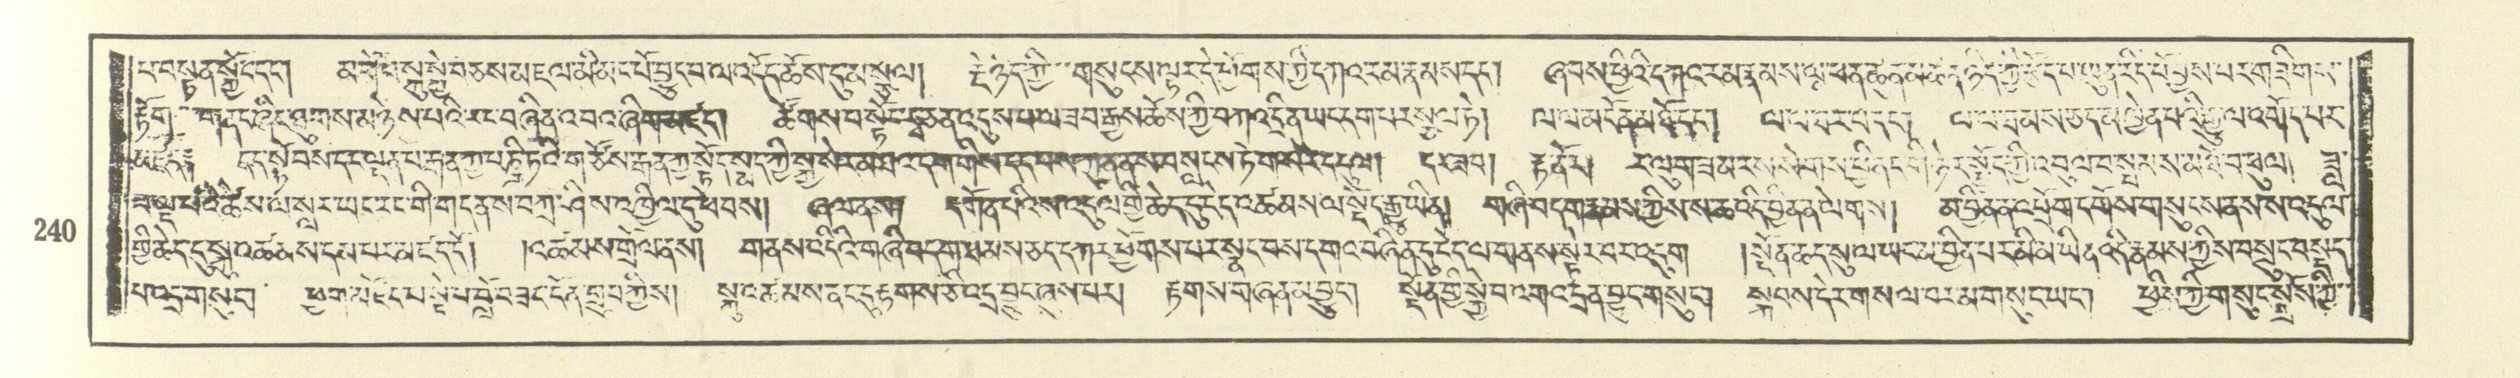པ་བསྟན་སྐྱོང་དང་། མགོ་བསྐུ་སྐྱེ་བཅས་མཇལ་མི་མང་པོ་བྱུང་བ་ལ་འདོད་ཆོས་དུ་མ་སྩལ། རྗེ་ཉིད་ཀྱི་གསུངས་ལྟར་དེ་ཕྱོགས་ཀྱི་དཀའ་རམ་རྣམས་དང་། ཞབས་ཕྱིའི་དཀའ་རམ་རྣམས་ལ་ཕན་ཚུན་མཚན་ཉིད་ཀྱི་རྩོད་པ་ཡུན་རིད་པོ་བྱས་པར་གཟིགས་
རྟོག་གནང་ཞིང་ཐུགས་མཉེས་པའི་རང་བཞིན་འབའ་ཞིག་མཛད། ཚོགས་པ་སྟོང་རྭ་ཅན་འདུས་པ་ལ་ཟབ་རྒྱས་ཆོས་ཀྱི་བཀའ་དྲིན་ཡང་དག་པར་སྩལ་ཏེ། ལ་ལ་མངོན་མཐོ་དང་། ལ་ལ་ཐར་པ་དང་། ལ་ལ་ཐམས་ཅད་མཁྱེན་པའི་རྒྱུ་ལ་འགོད་པར་
མཛད༑ དད་སྟོབས་དང་ལྡན་པ་རྒན་ཀྱ་པཎྜི་ཏའི་གཙོས་རྒན་ཀྱ་སྟོད་སྨད་ཀྱི་སྐྱ་སེར་མཐའ་དག་གིས་དད་པོས་ཀུན་ནས་བསླངས་ཏེ་གསེར་དངུལ། དར་ཟབ། རྟ་ནོར། ར་ལུག་ཟམ་རས་སོགས་ཕྱི་ནང་གི་ཉེར་སྤྱོད་ཀྱི་འབུལ་བ་སྤམས་མཐོ་བ་ཕུལ། ཟླ་
བ་ལྔ་པའི་ཚེས་ལ་སླར་ཡང་རང་གི་གདན་ས་བཀྲ་ཤིས་འཁྱིལ་དུ་ཕེབས། ཞལ་ནས། དགོན་པའི་ས་འདུལ་གྱི་ཆེད་དུ་ངེད་འཚམས་ལ་སྡོད་རྒྱུ་ཡིན། གཞི་བདག་རྣམས་ཀྱིས་ས་ཆ་འདི་བྱིན་ན་ལེགས། མ་བྱིན་ན་འབྲོག་དགོས་གསུངས་ནས་ས་འདུལ་
གྱི་ཆེད་དུ་སྐུ་འཚམས་དམ་པར་མཛད་དོ། །འཚམས་གྲོལ་ནས། གནས་འདིའི་གཞི་བདག་ཐམས་ཅད་དཀར་ཕྱོགས་པར་སྣང་བས་དགའ་བཞིན་དུ་ངེད་ལ་གནས་སྟེར་བར་འདུག །སྔོན་ཆད་སུ་ལ་ཡང་མ་བྱིན་པར་མི་མ་ཡིན་འདི་རྣམས་ཀྱིས་བསྲུང་བསྡད་
པ་འདྲ་གསུང་། ཕྱག་མཛོད་པ་སྡེ་པ་བློ་བཟང་དོན་གྲུབ་ཀྱིས། སྐུ་འཚམས་ནང་དུ་རྟགས་ཅི་འདྲ་བྱུང་ཞུས་པར། རྟགས་གཞན་མ་བྱུང་། སྔོན་གྱི་སྐྱེ་བ་འགའ་དྲན་བྱུང་གསུང་། སྐབས་དེར་གསལ་བར་མ་གསུང་ཡང་། ཕྱིས་གྱི་གསུང་སྒྲོས་ཀྱི་